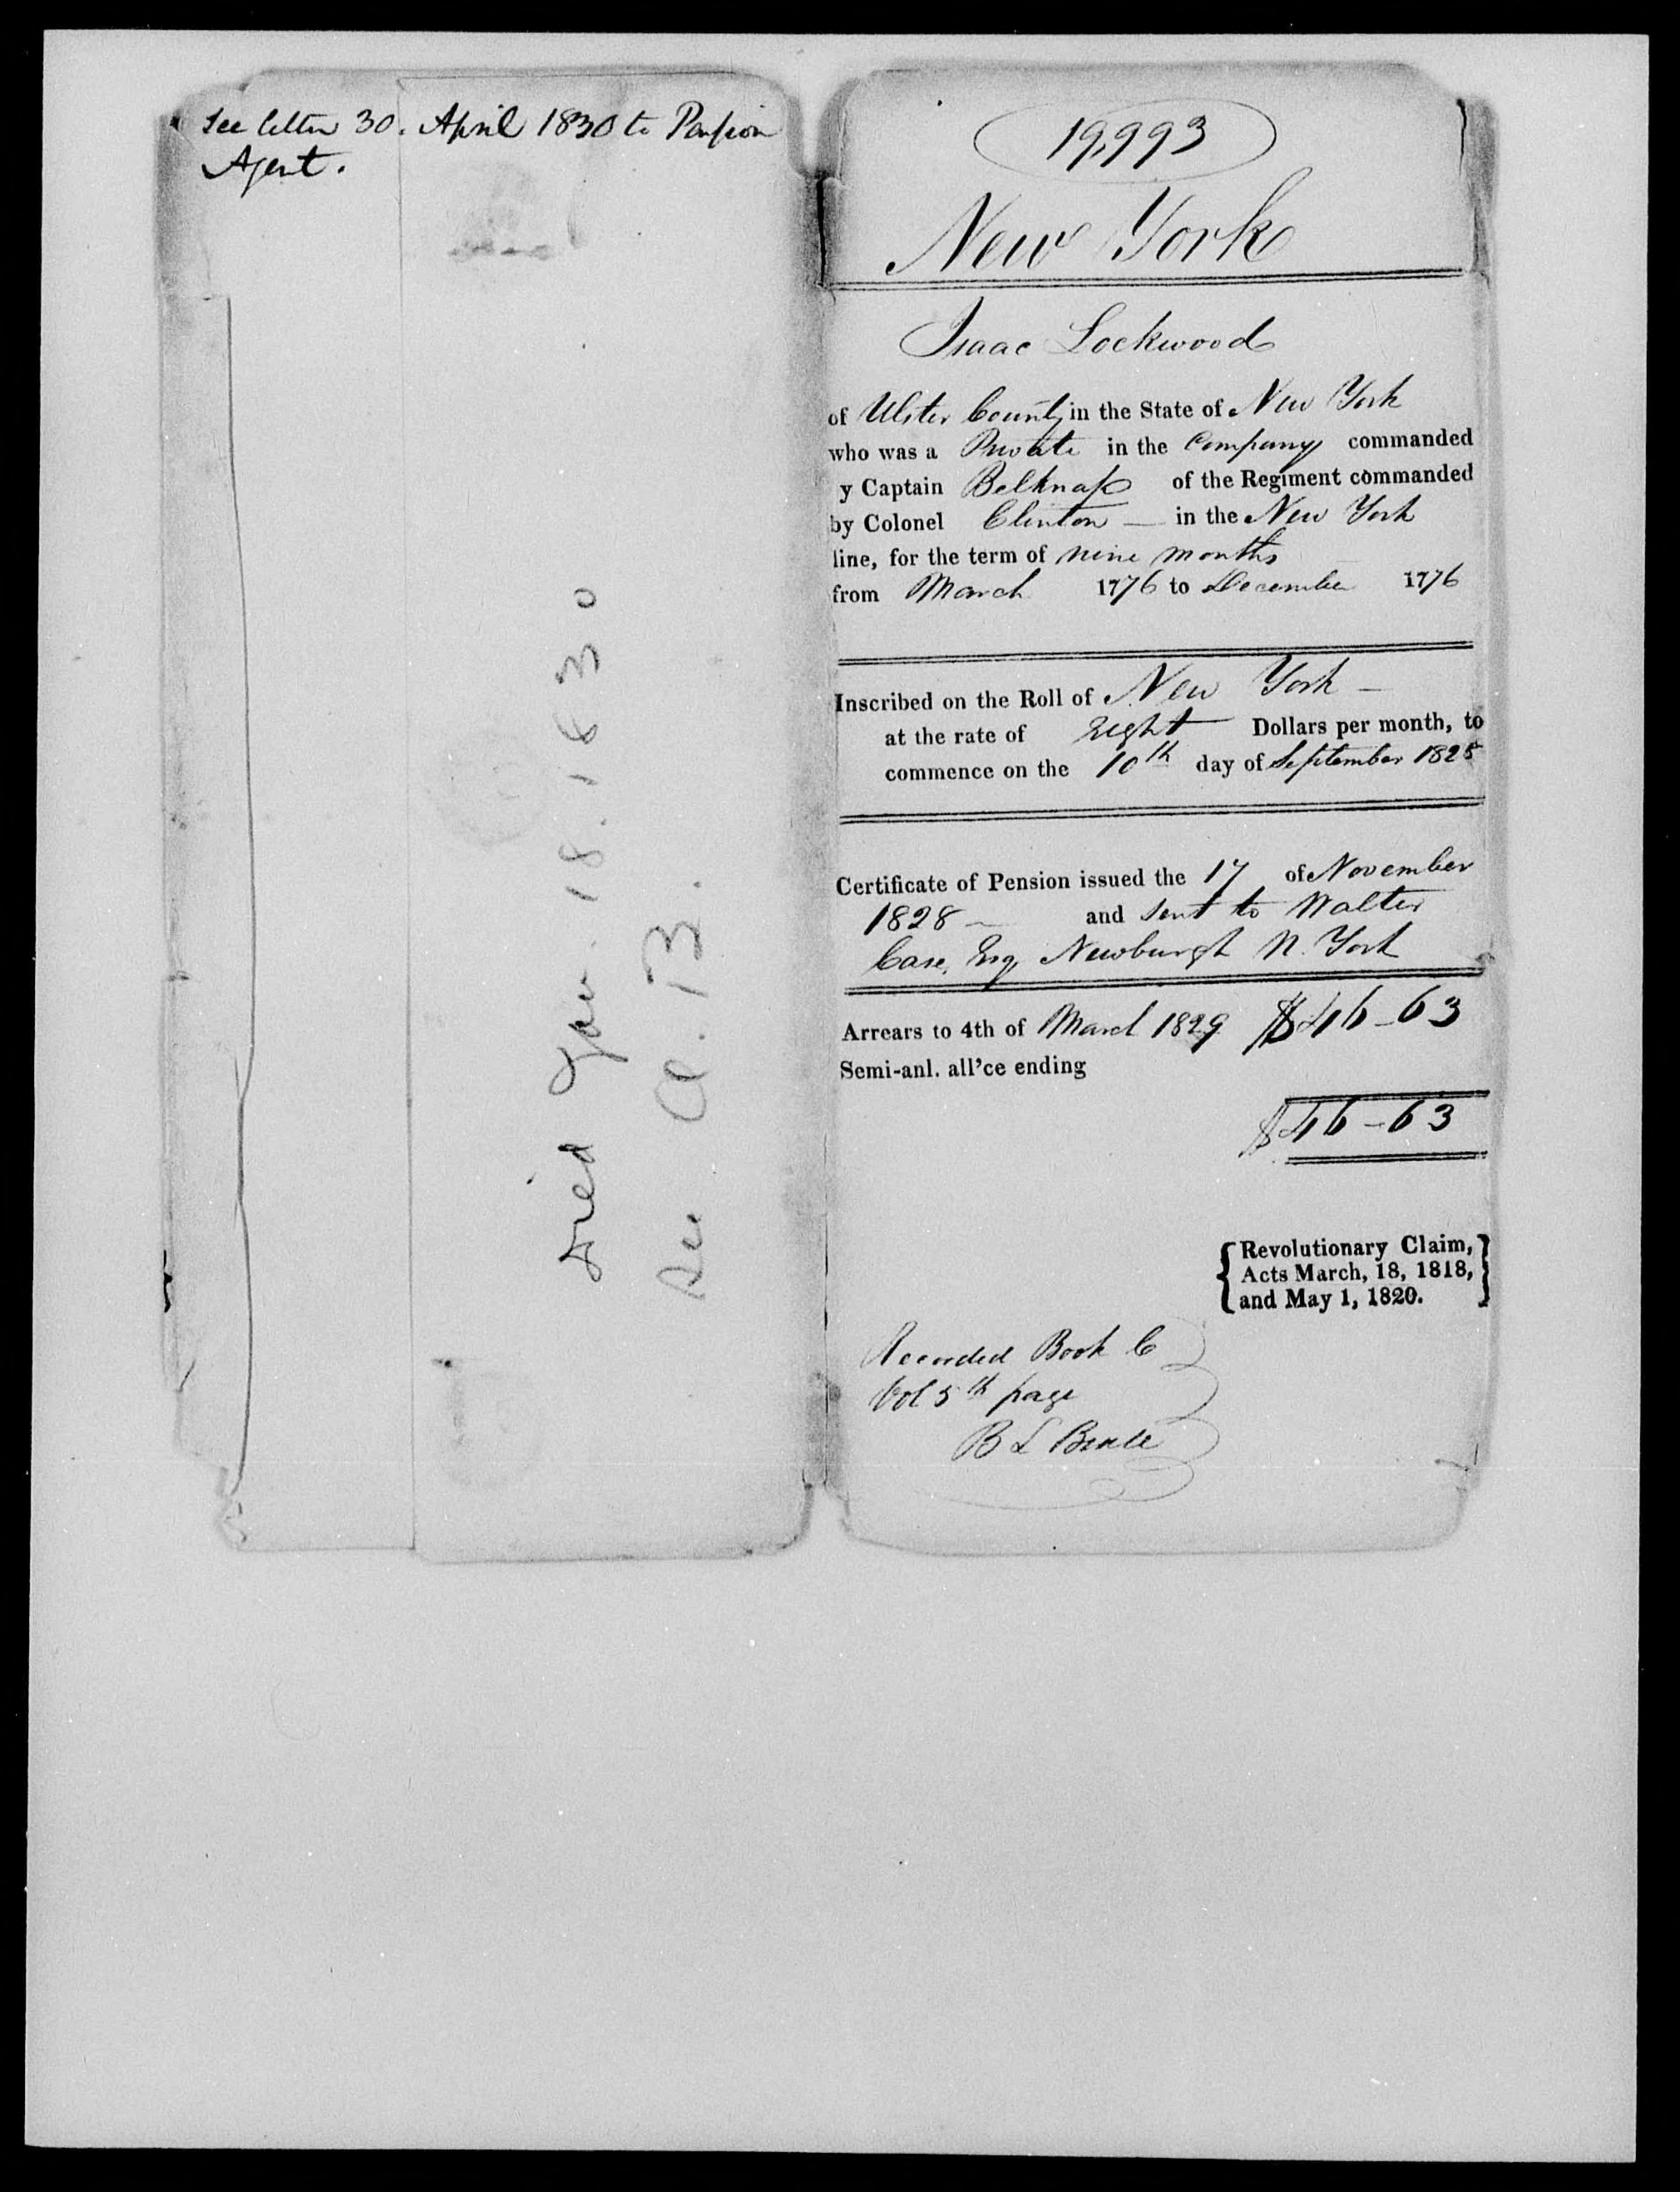[left column]
[top left corner frayed]

Lee Clinton  30. April 1830 to Pension Agent

[handwritten note]
Jan. 18. 1830
See A. B.

[right hand column]
19,993

New York

Isaac Lockwood
of Miter (now Ulster)? County in the State of New York who was a Private in the Company commanded (b)y Captain Belknap of the Regiment commanded by Colonel Clinton in the New York line, for the term of nine months from March 1776 to December 1776

Inscribed on the Roll of New York at the rate of Eight Dollars per month, to commence on the 10th day of September 1825

Certificate of Pension issued the 17 of November 1828 and sent to Walter Case, Esq, Newburgh N. York

Arrears to 4th of March 1829 | $46.63
Semi-anl. all'ce ending   |
|     | $46.63

{Revolutionary Claim,
Acts March, 18, 1818,
and May 1, 1820.}

{Recorded Book C
Vol 5th page
B L Beale}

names: Isaac Lockwood; B L Beall; Walter Case; [BLANK] Clinton; [BLANK] Belknap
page: 2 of 23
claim: survivor's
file: S 42891, for Isaac Lockwood, New York